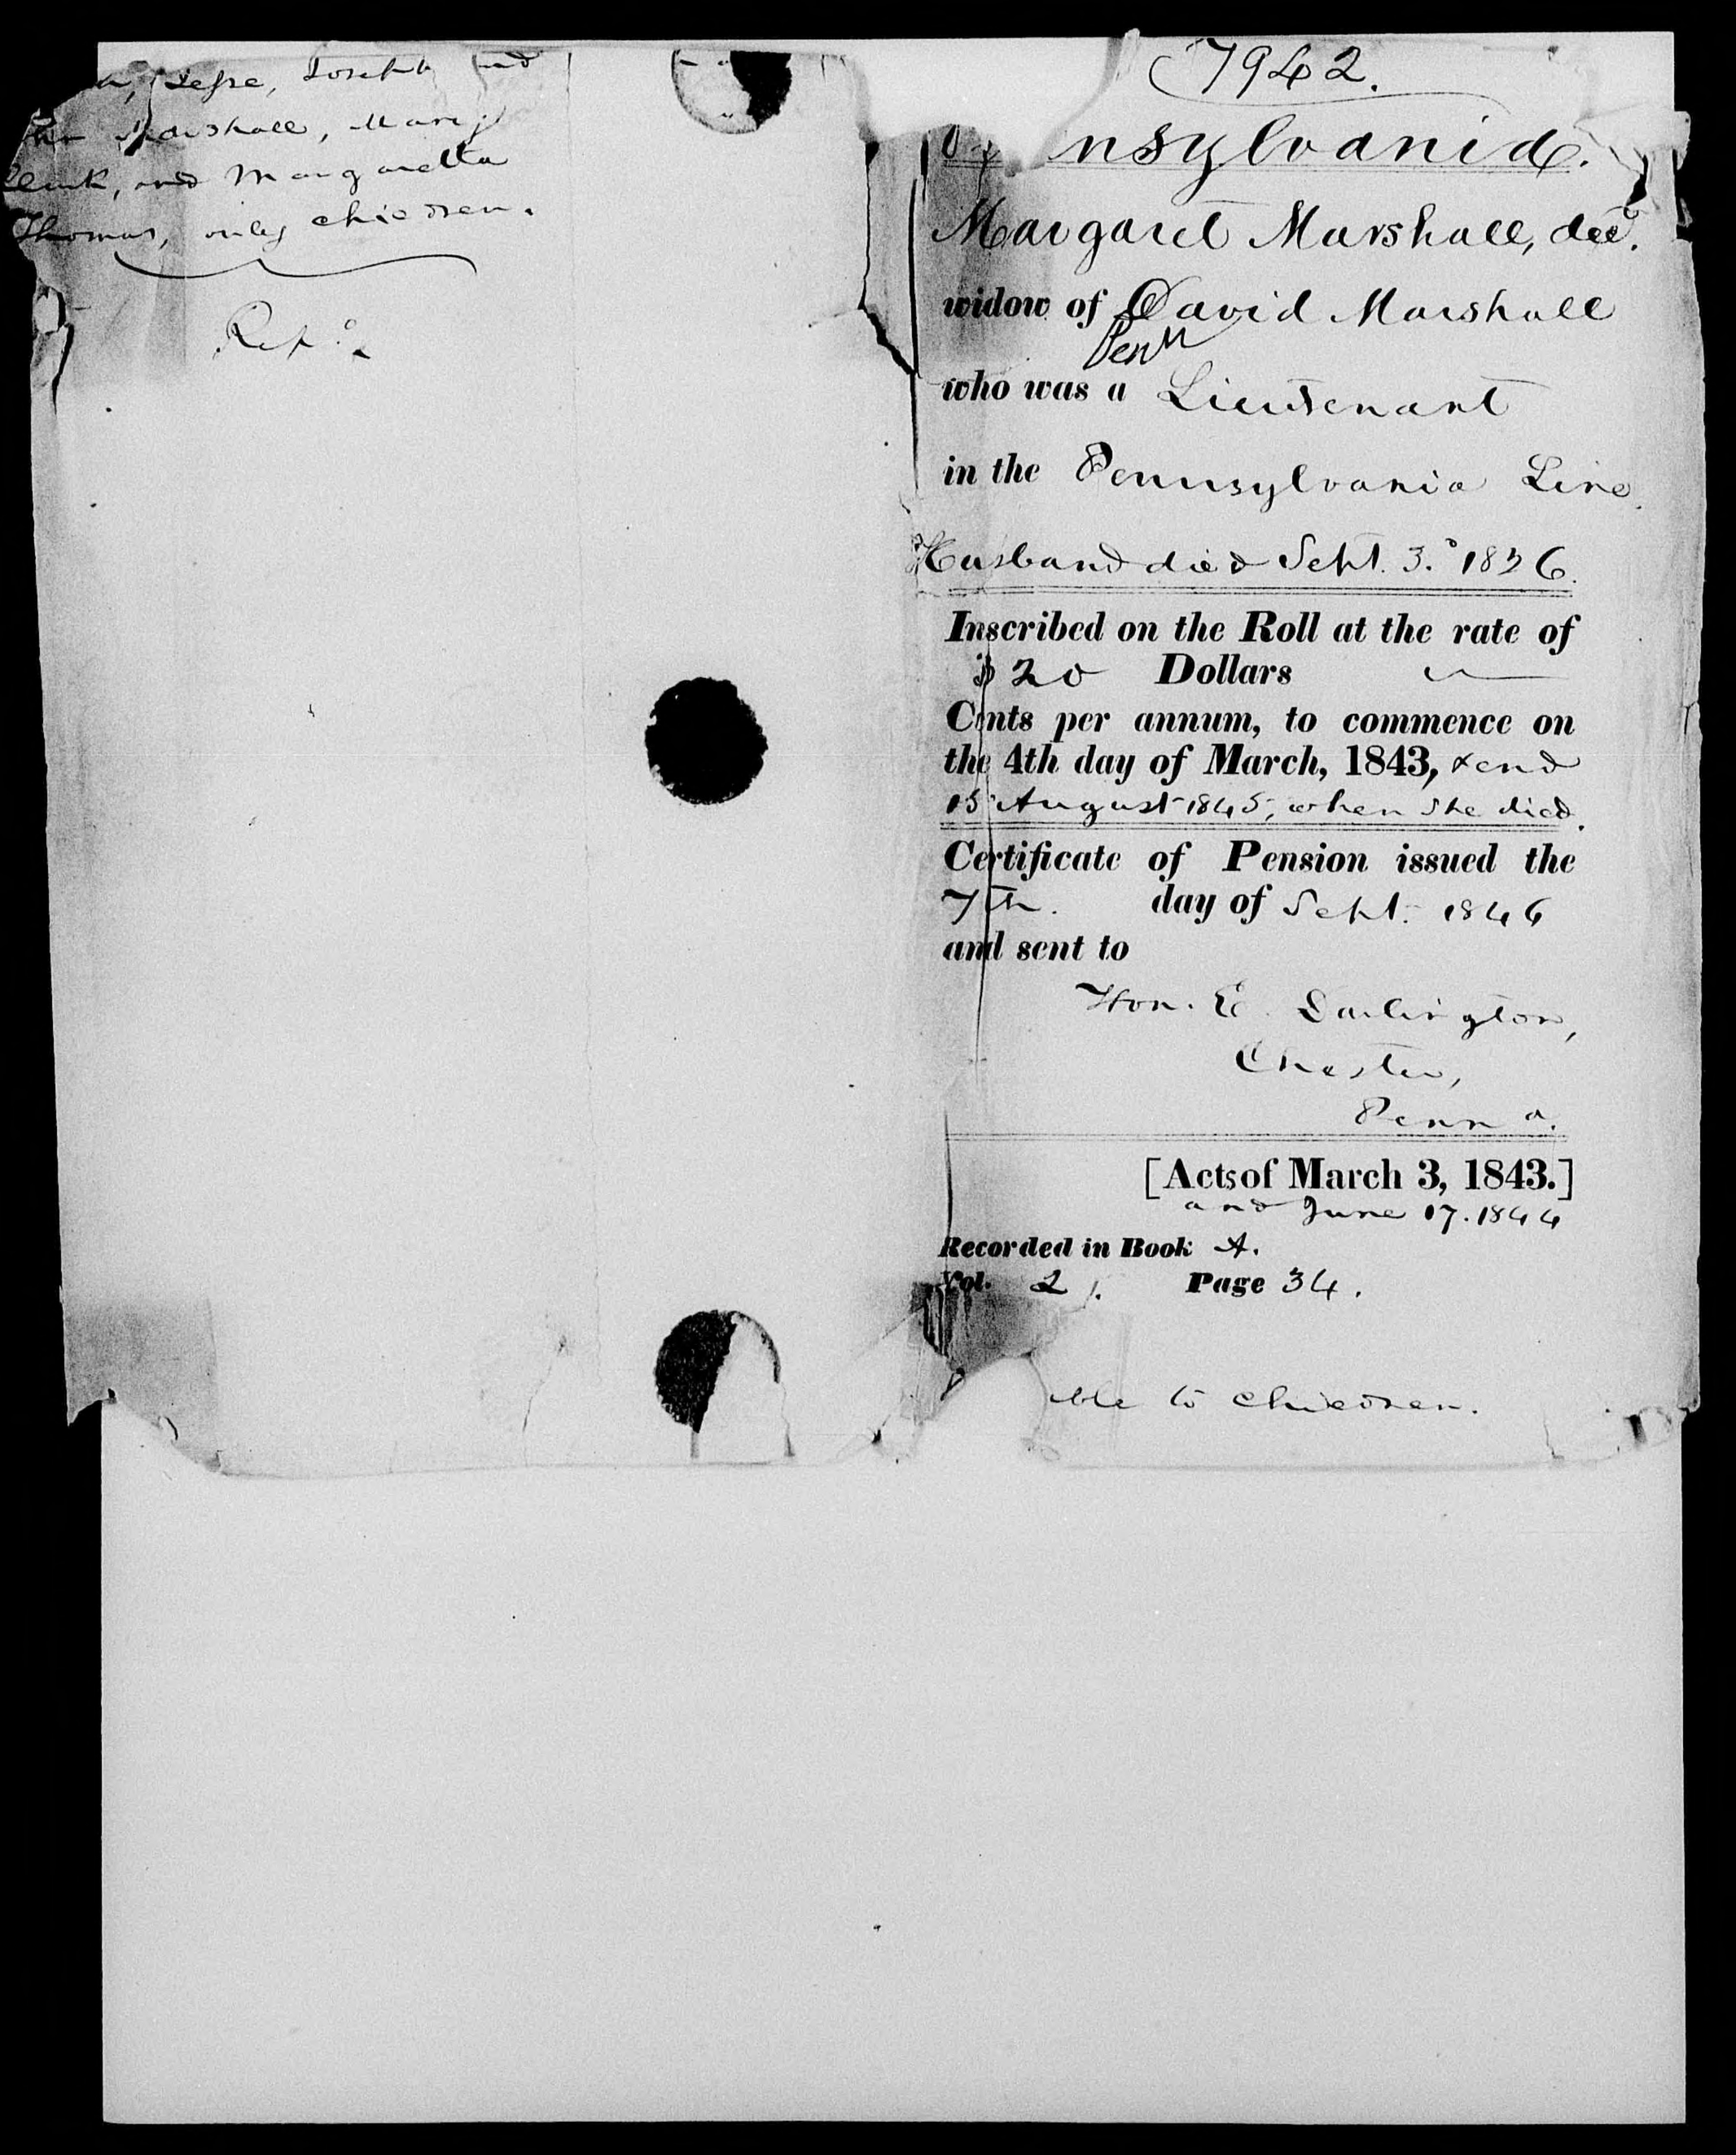7942.

Pennsylvania

Margaret Marshall, dee.
widow of David Marshall 
who was a Penn Lieutenant
in the Pennsylvania Line. 
Husband died Sept. 3. 1826.

Inscribed on the Roll at the rate of
320 Dollars - 
Cents per annum, to commence on
the 4th day of March, 1843, and end
15 August 1845; when she died. 

Certificate of Pension issued the 
7th day of Sept. 1846
and sent to 
Hon. E. Darlington, 
Chester, 
Penns.

Acts of March 3, 1843.
and June 17. 1844

Recorded in Book A. 
Vol. 21. Page 34. 

?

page: 3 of 86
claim: widow's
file: W. 3571, for David Marshall, Pennsylvania